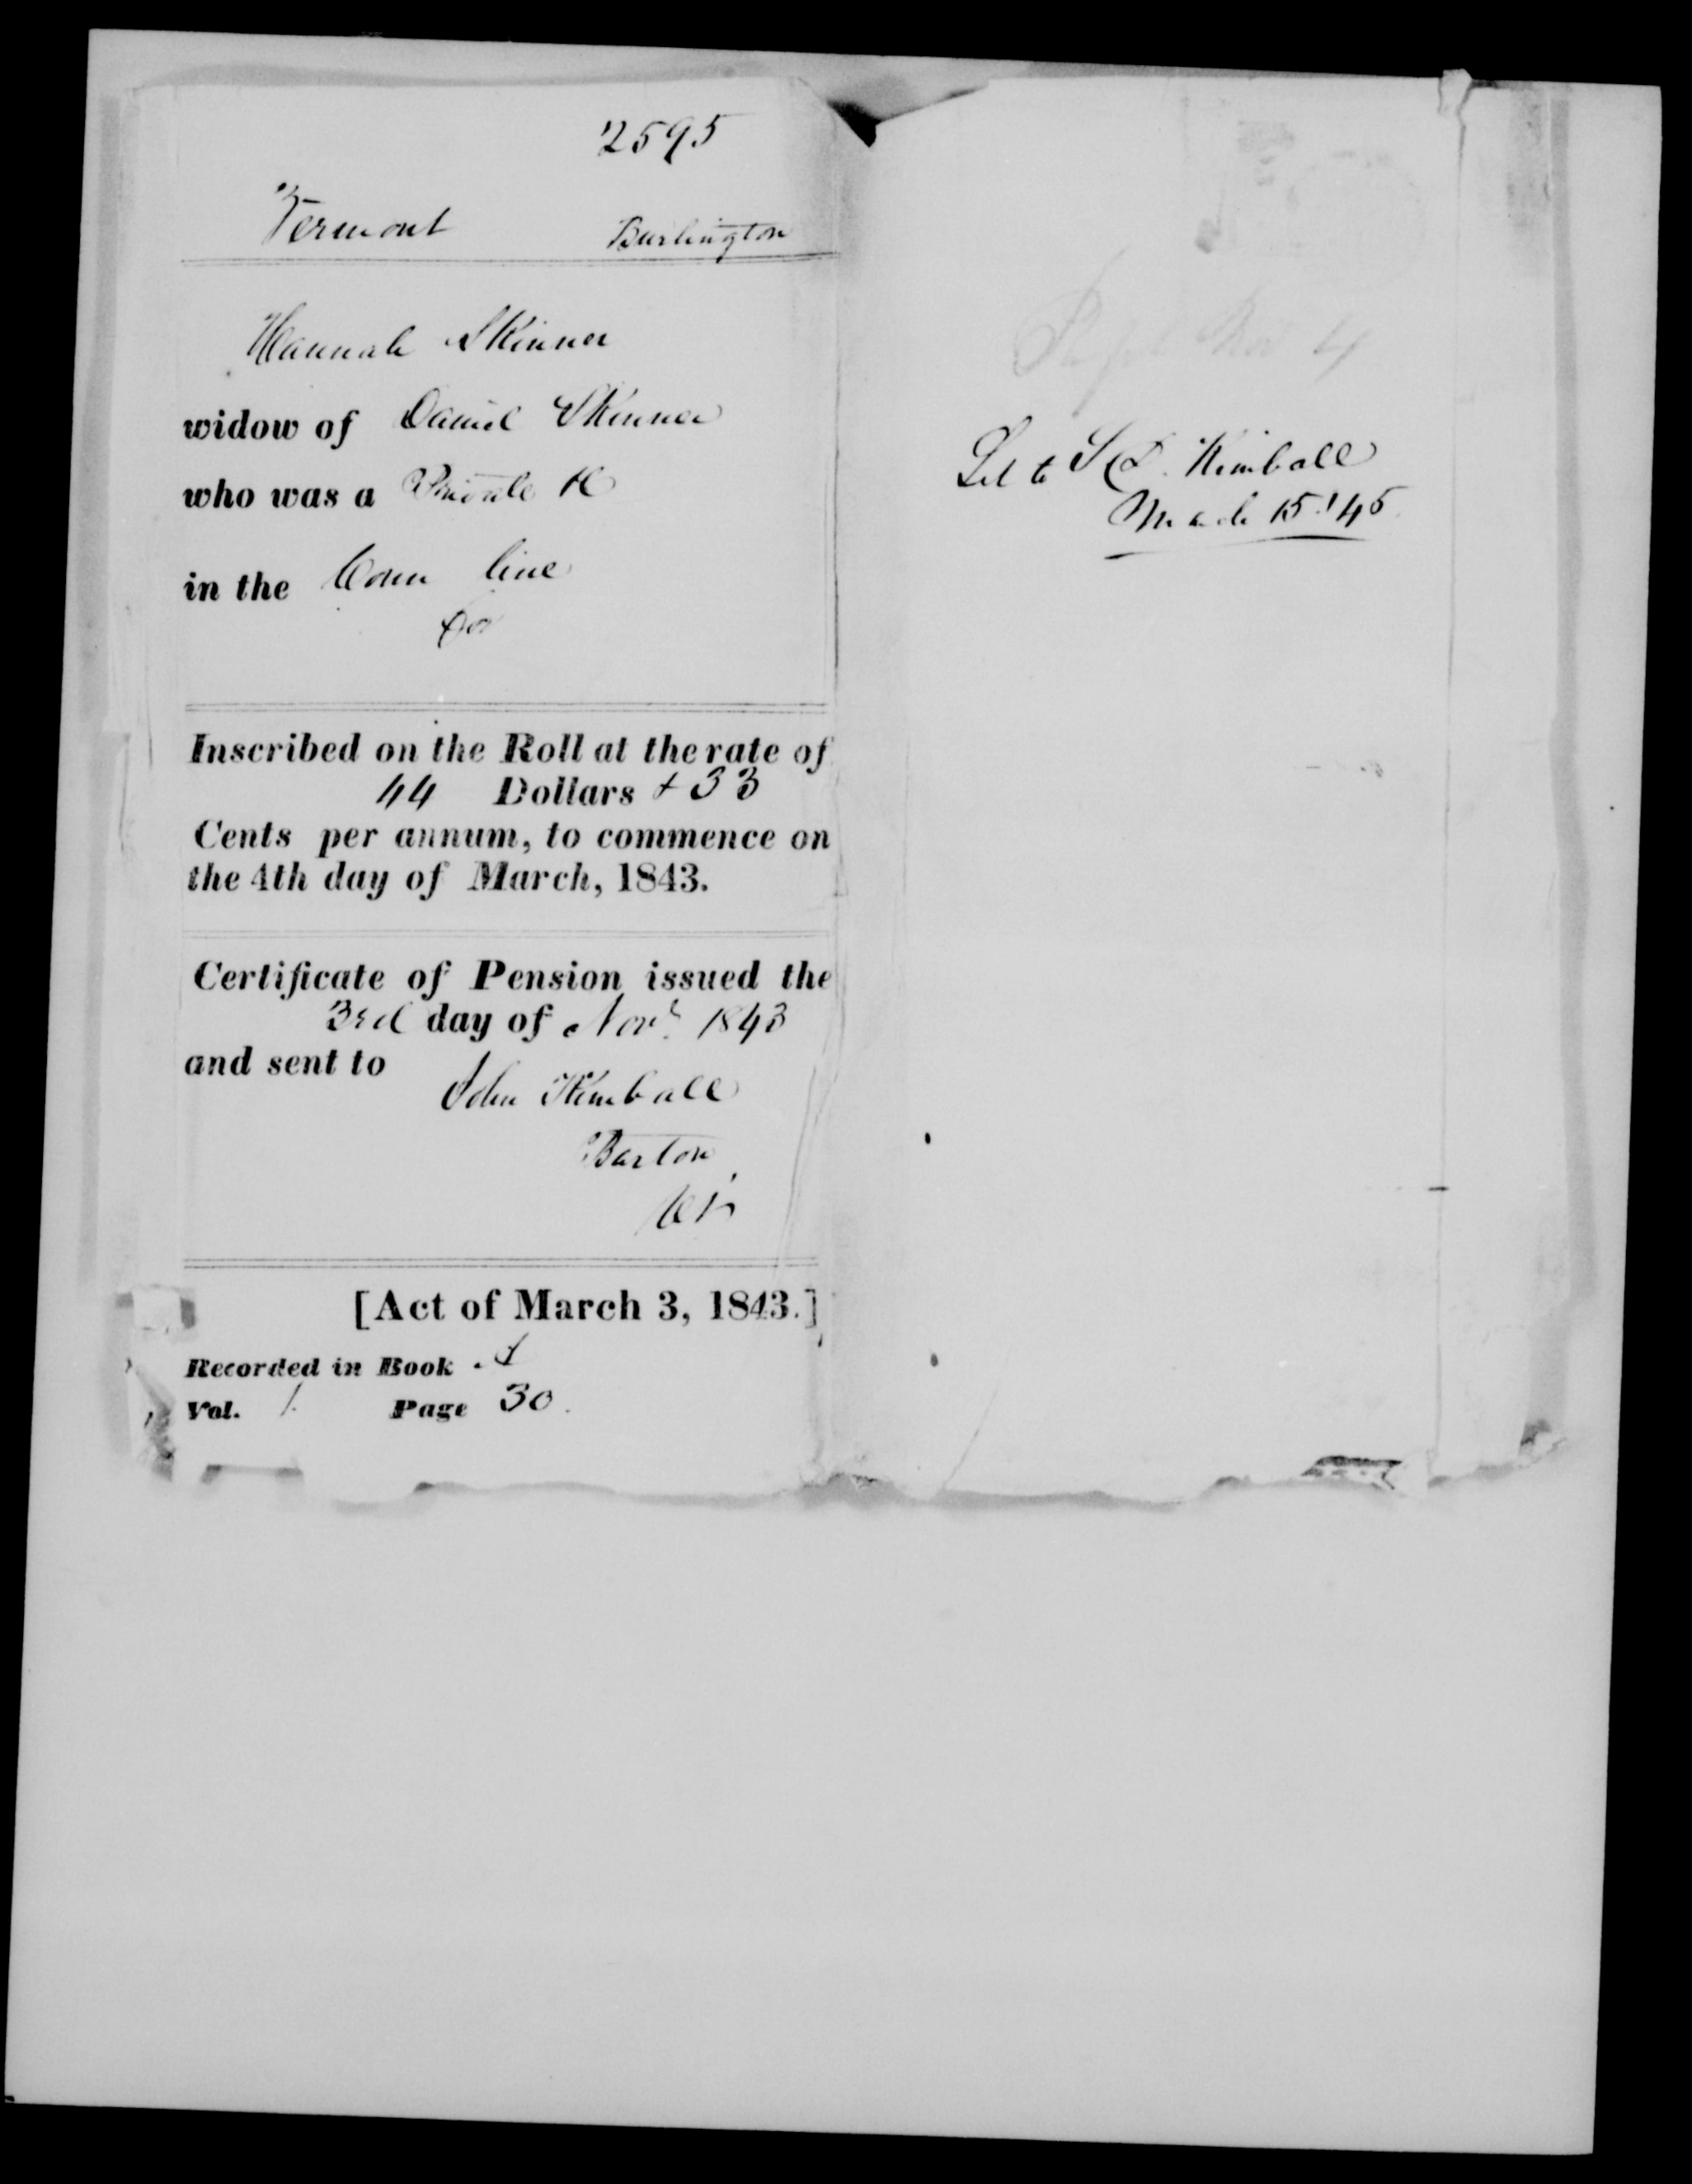2595
Vermont, Burlington
Hannah Skinner
widow of Daniel Skinner
who was a Private 1C
in the Conn line

Inscribed on the Roll at the rate of
44 Dollars & 33
Cents per annum, to commence on
the 4th day of March, 1843.

Certificate of Pension issued the
3rd day of Nov. 1843
and sent to John Kimball
Barton, Vt.

(Act of march 3, 1843.)
Recorded in Book A.
Vol. 1 Page 30.

(left page)
Let to J. D. Kimball
March 15, '45.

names: Daniel Skinner; S D Kimball; John Kimball; Hannah Skinner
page: 2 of 46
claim: widow's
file: W. 24976, for Daniel Skinner, New Hampshire